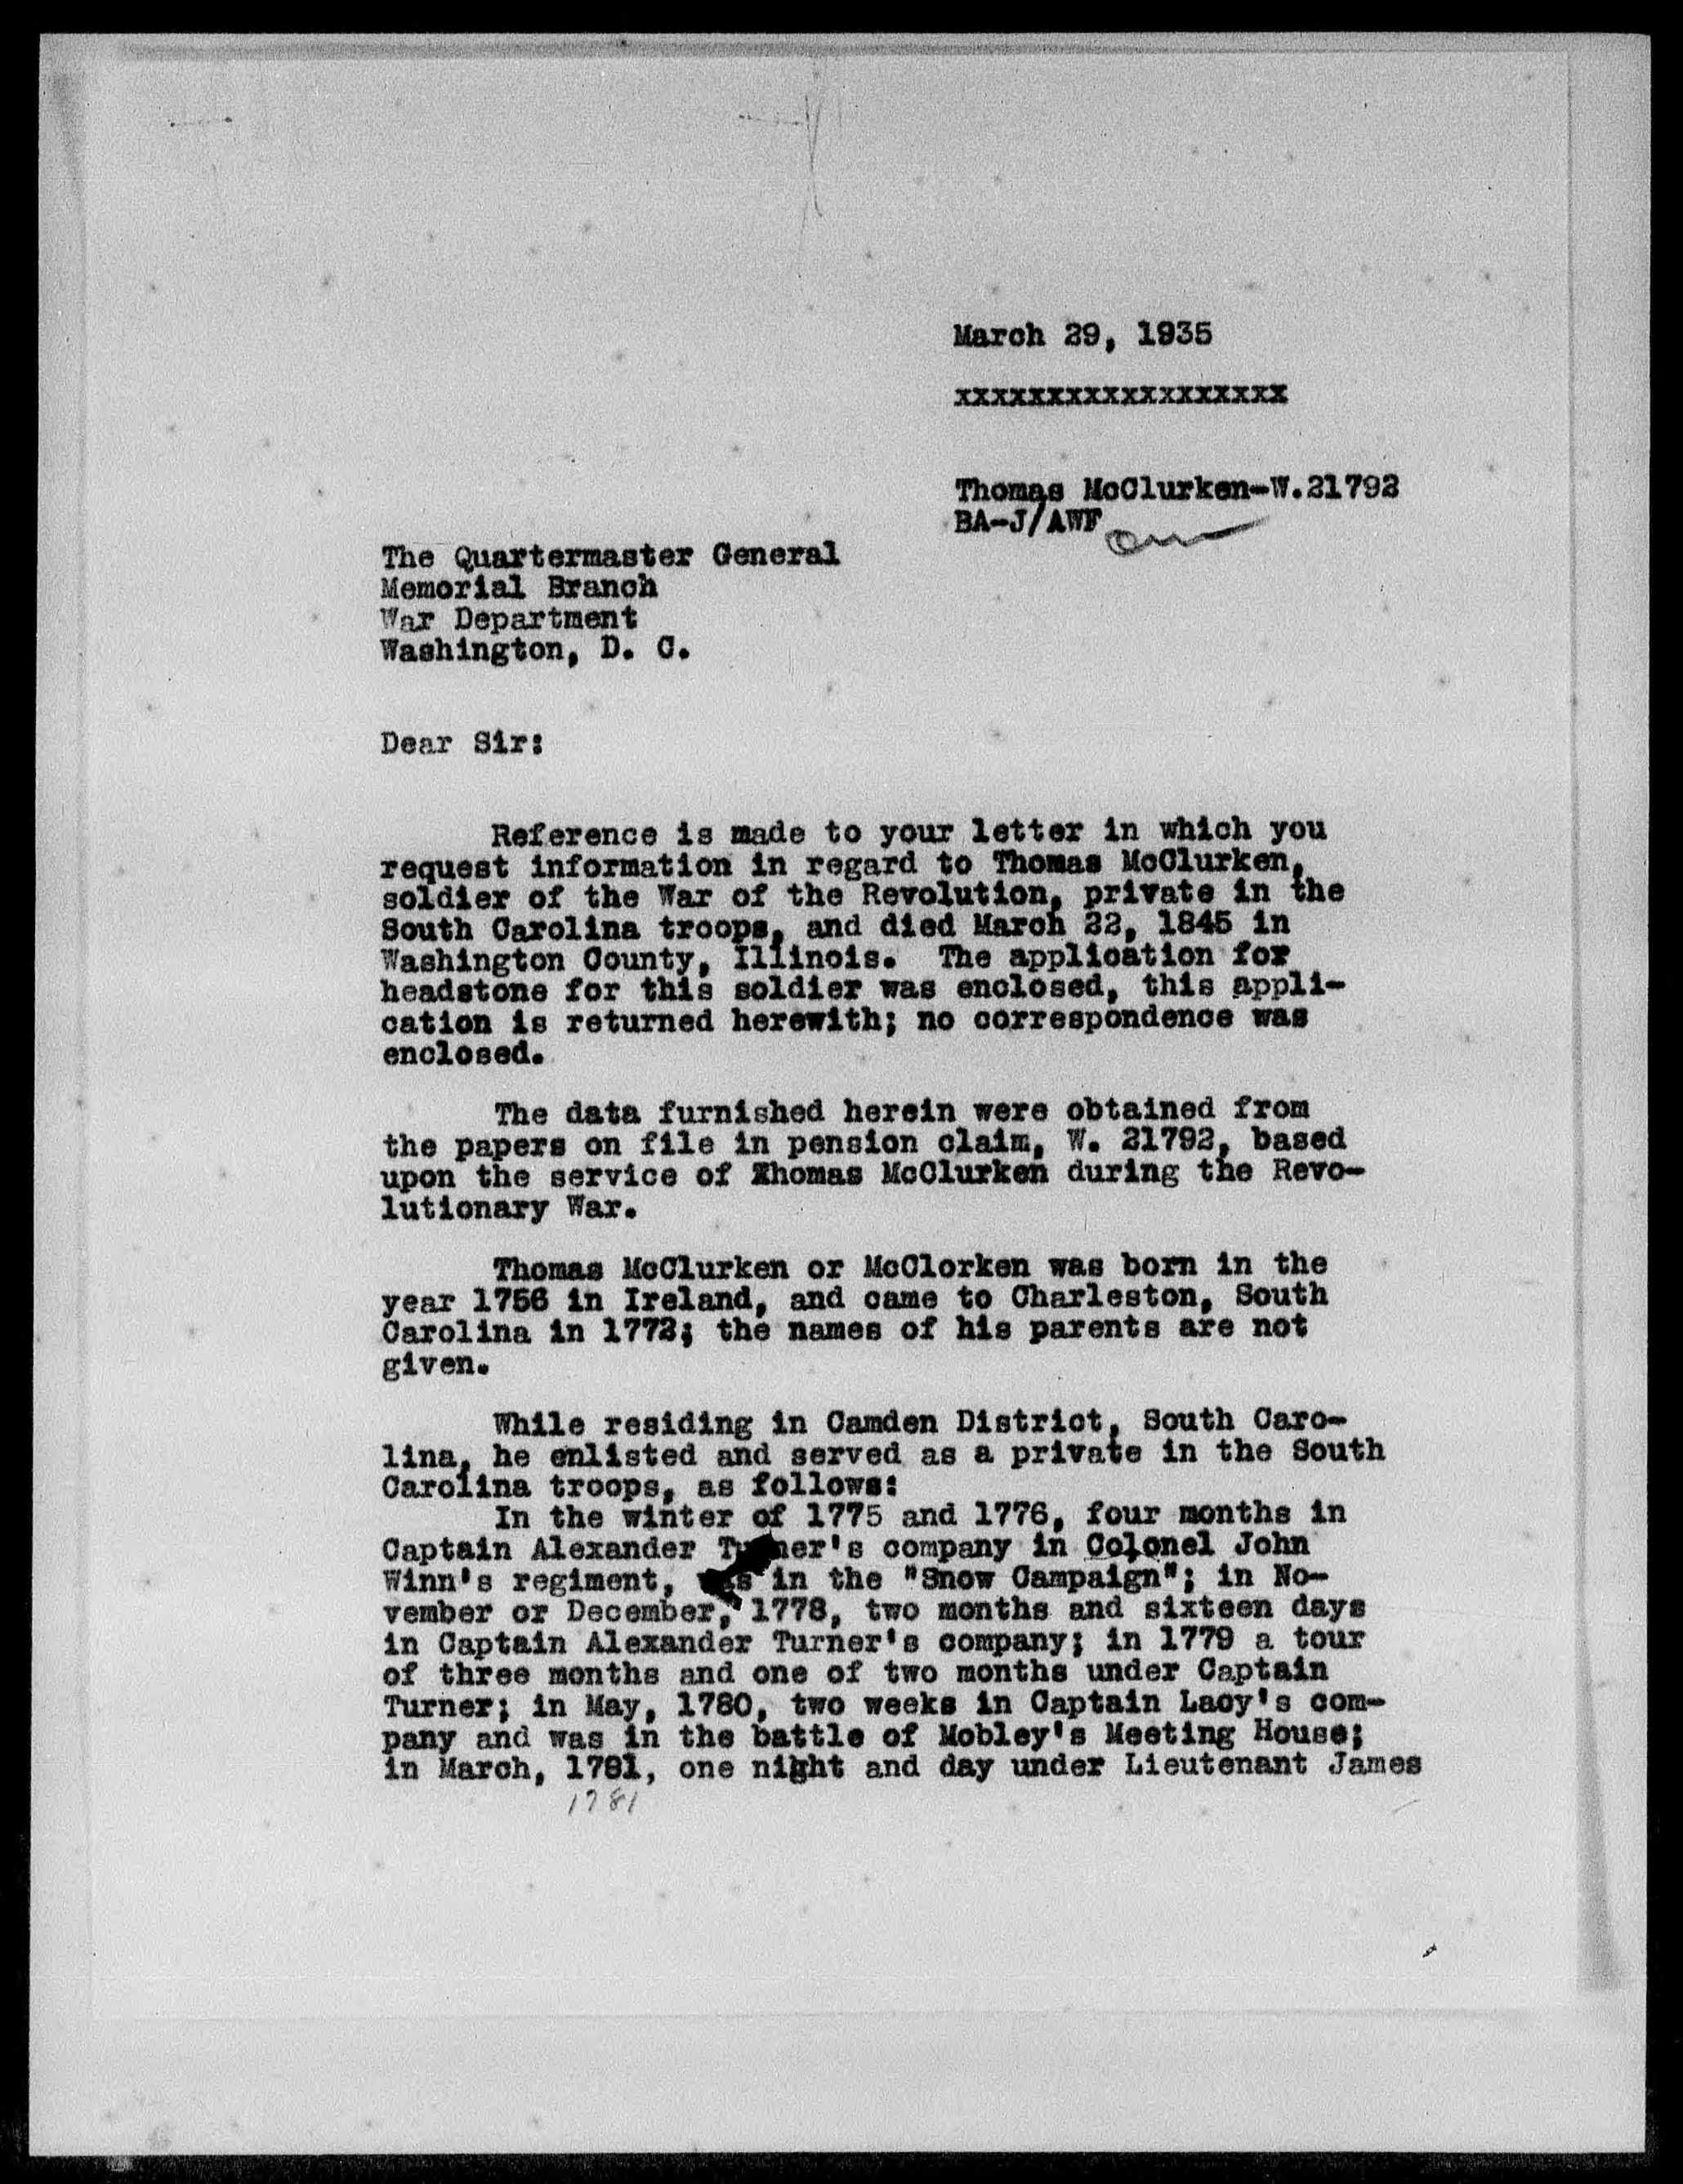March 29, 1935
XXXXXXXXXXXXXXXXXX 

Thomas McClurken- W.21792
BA-J/AWF

The Quartermaster General 
Memorial Branch
War Department
Washington, D. C

Dear Sir: 

Reference is made to your letter in which you request information in regard to Thomas McClurken, soldier of the War of the Revolution, private in the South Carolina troops, and died March 22, 1845 in Washington County, Illinois. The application for headstone for this soldier was enclosed, this appli  cation is returned herewith; no correspondence was enclosed. 

The data furnished herein were obtained from the papers on file in pension claim, W. 21793, based upon the service of Thomas McClurken during the Revolutionary War. 

Thomas McClurken or McClorken was born in the year 1756 in Ireland, and came to Charleston, South Carolina in 1772; the names of his parents are not given.

While residing in Camden District, South Carolina, he enlisted and served as a private in the South Carolina troops, as follows: 

In the winter of 1775 and 1776, four months in Captain Alexander Turner's company in Colonel John Winn's regiment, is in the "Snow Campaign"; in November or December, 1778, two months and sixteen days in Captain Alexander Turner's company; in 1779 a tour of three months and one of two months under Captain Turner; in May, 1780, two weeks in Captain Lay's company and was in the battle of Mobley's Meeting House; in March, 1781, one night and day under Lieutenant James 1781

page: 22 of 93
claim: widow's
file: W. 21792, for Thomas Mc Clurken, South Carolina